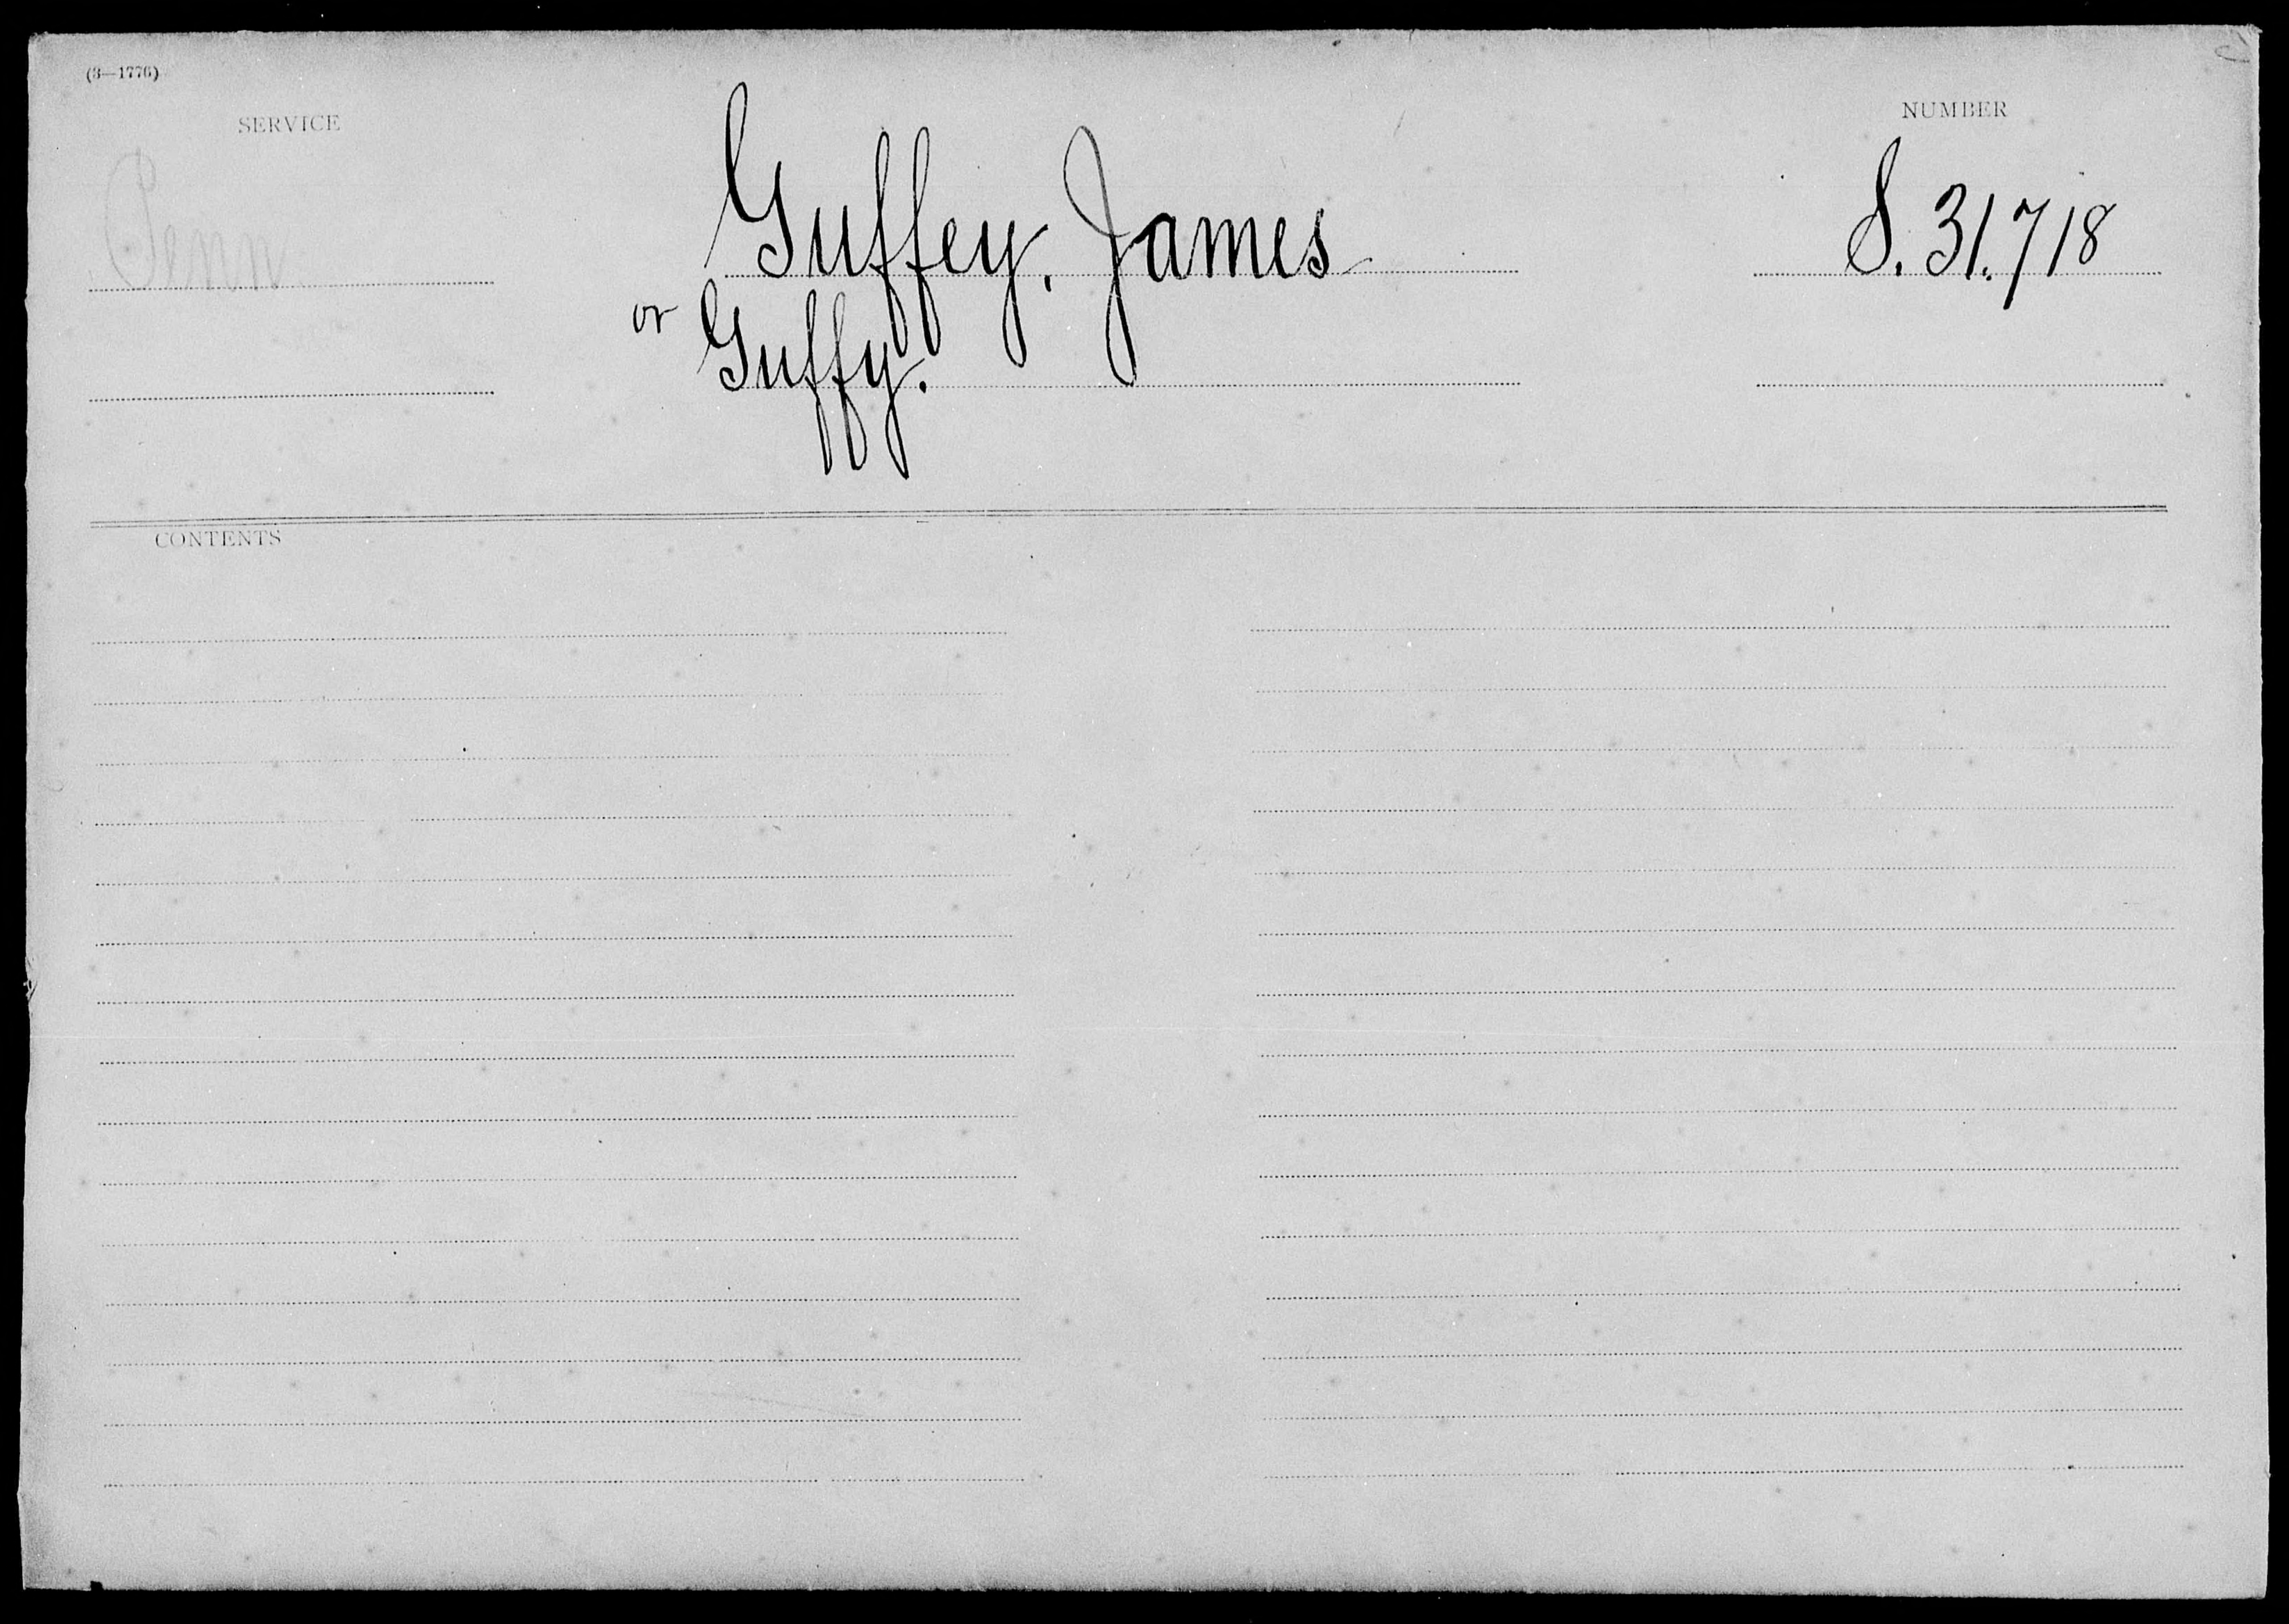(3 - 1776)
SERVICE
Penn
Guffey or Guffy James 
NUMBER
S.31.718
CONTENTS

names: James Guffy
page: 1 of 36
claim: survivor's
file: S. 31,718, James Guffey, Penn.